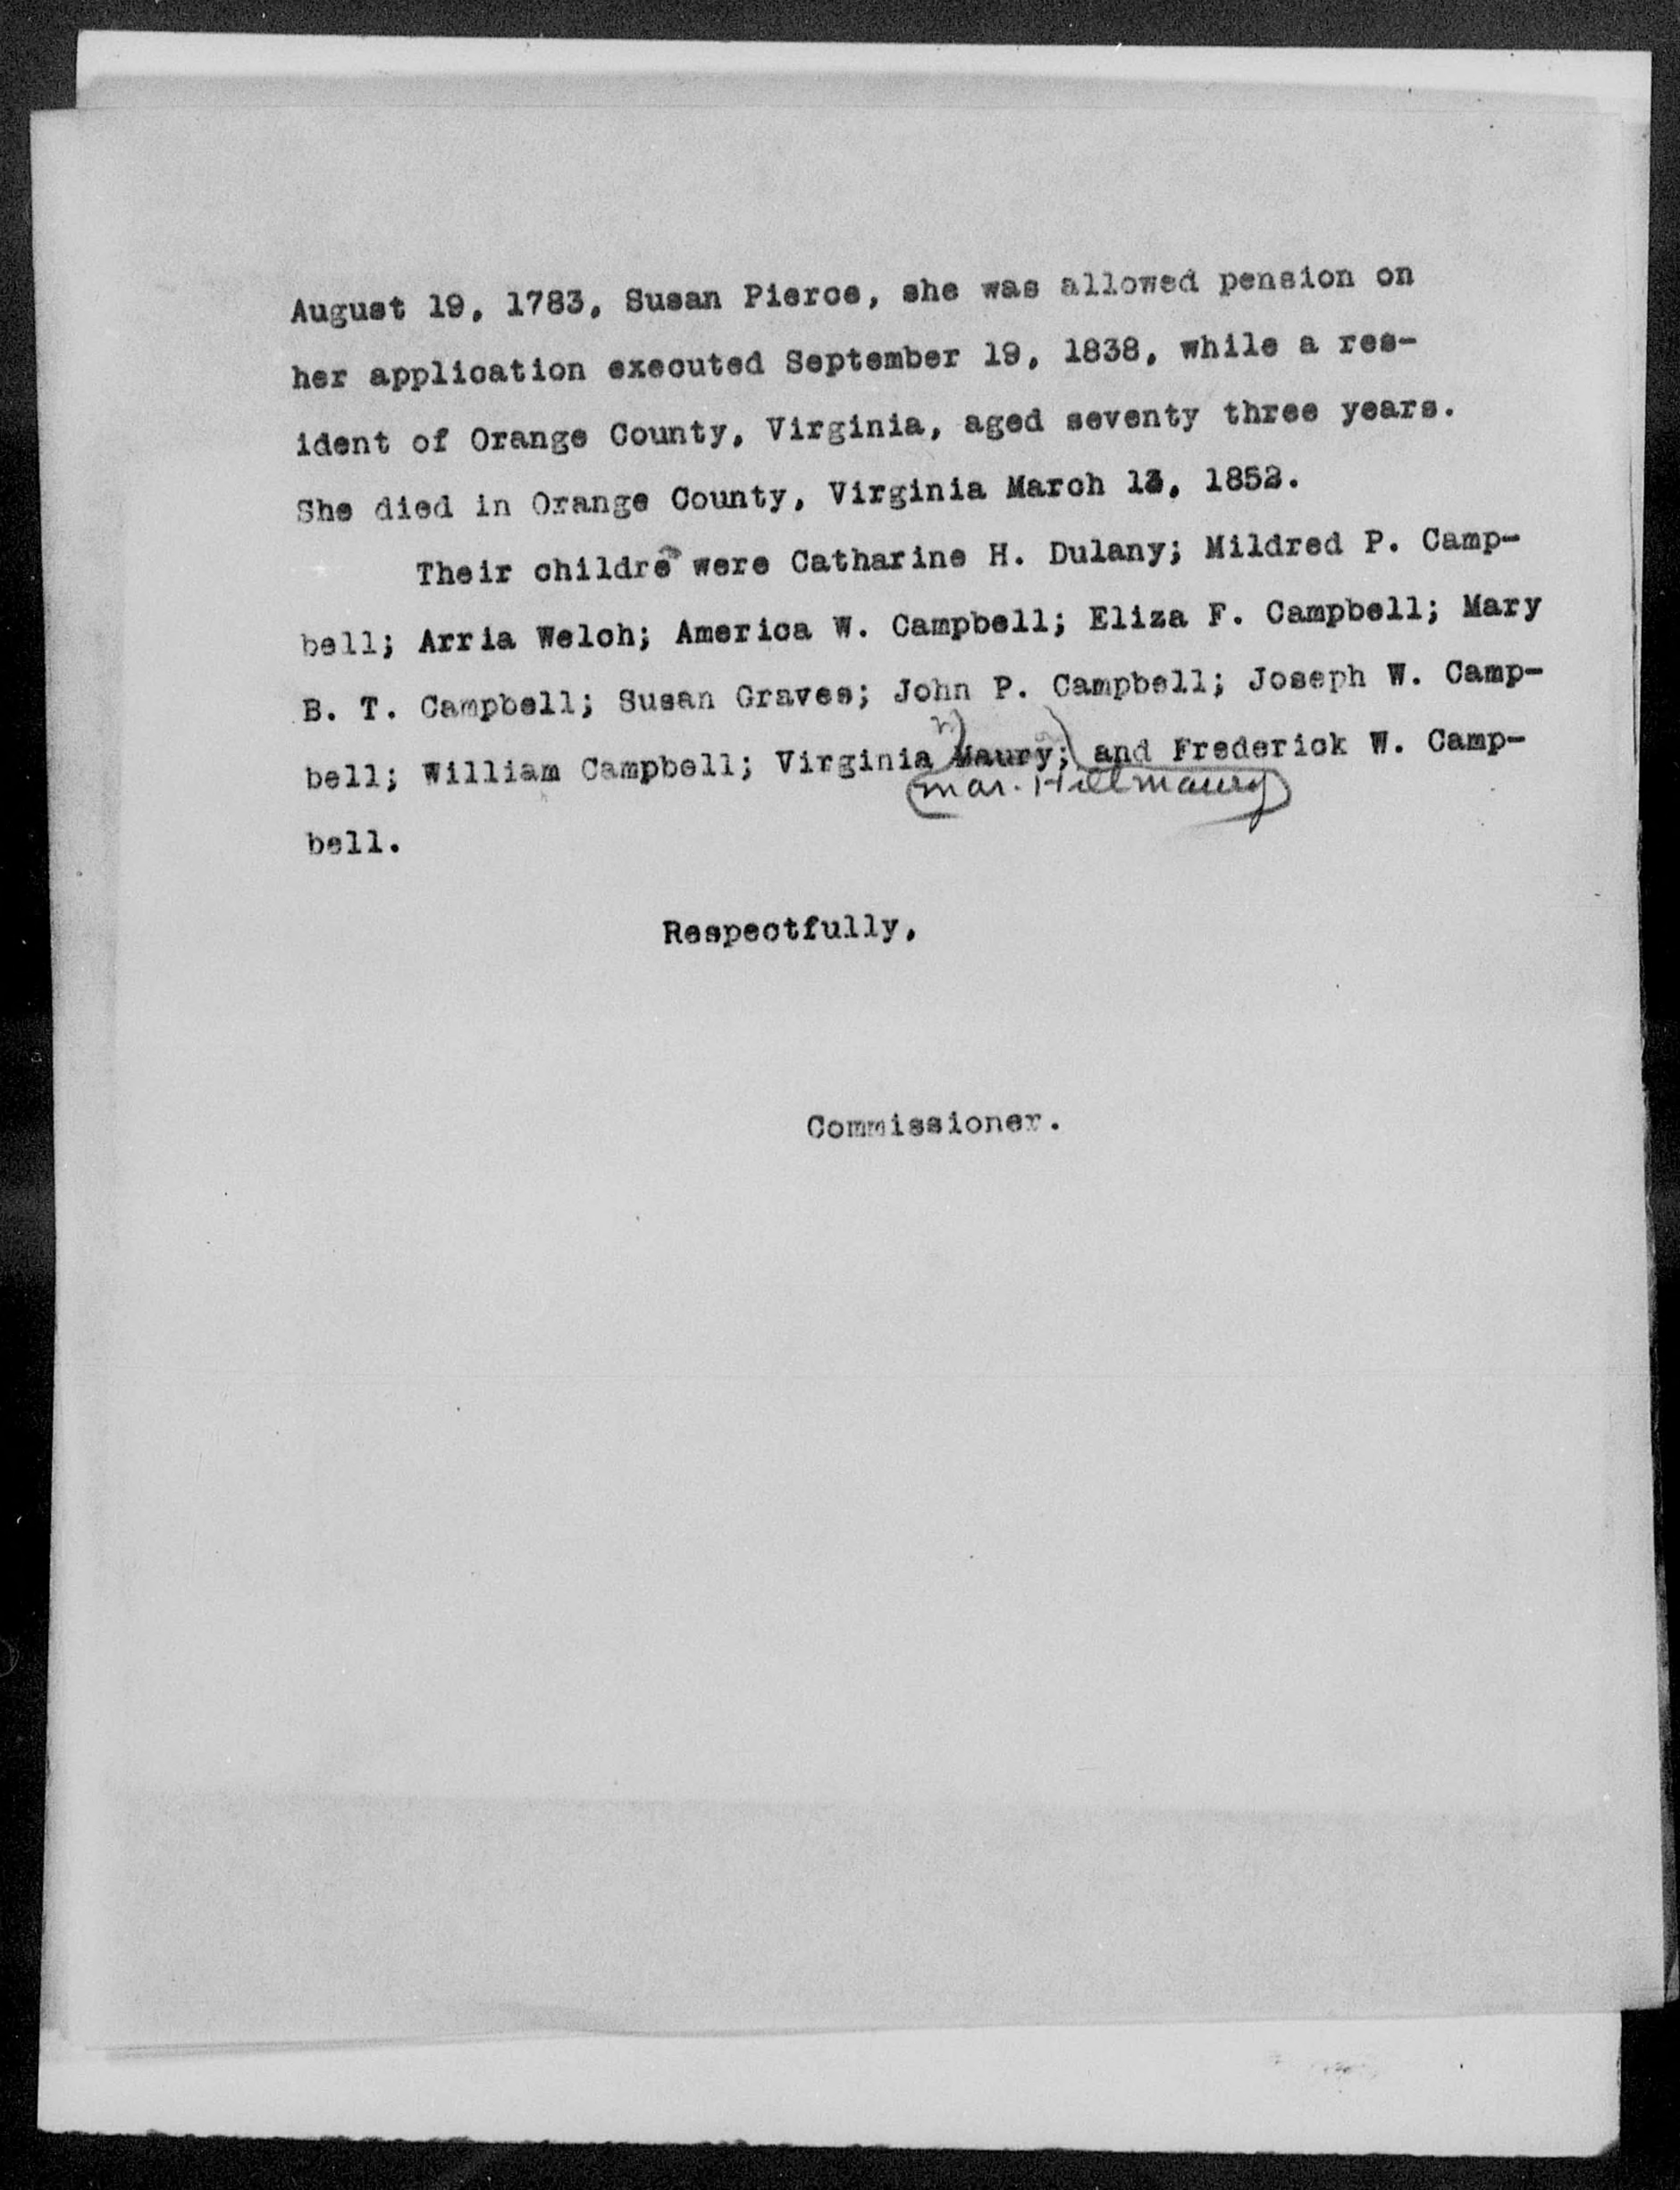August 19, 1783, Susan Pierce, she was allowed pension on her application executed September 19, 1838, while a resident of Orange County, Virginia, aged seventy three years. She died in Orange County, Virginia March 13, 1852.
Their children were Catharine H. Dulany; Mildred P. Campbell; Arria Welch; America W. Campbell; Elisa F. Campbell; Mary B. T. Campbell; Susan Graves; John P. Campbell; Joseph H. Campbell; William Campbell; Virginia [marked out: Moury] mar. Hill Maury; and Frederick W. Campbell.

Respectfully,
Commissioner.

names: Susan Pierce, Arria Welch, William Campbell, Catharine H Dulany, Frederick W Campbell, John P Campbell, Hill Maury, America W Campbell, Virginia Maury, Eliza F Campbell, Mary B T Campbell, Mildred P Campbell, Susan Graves, Joseph W Campbell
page: 264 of 267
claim: widow's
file: W. 4,149, William Campbell, Va.